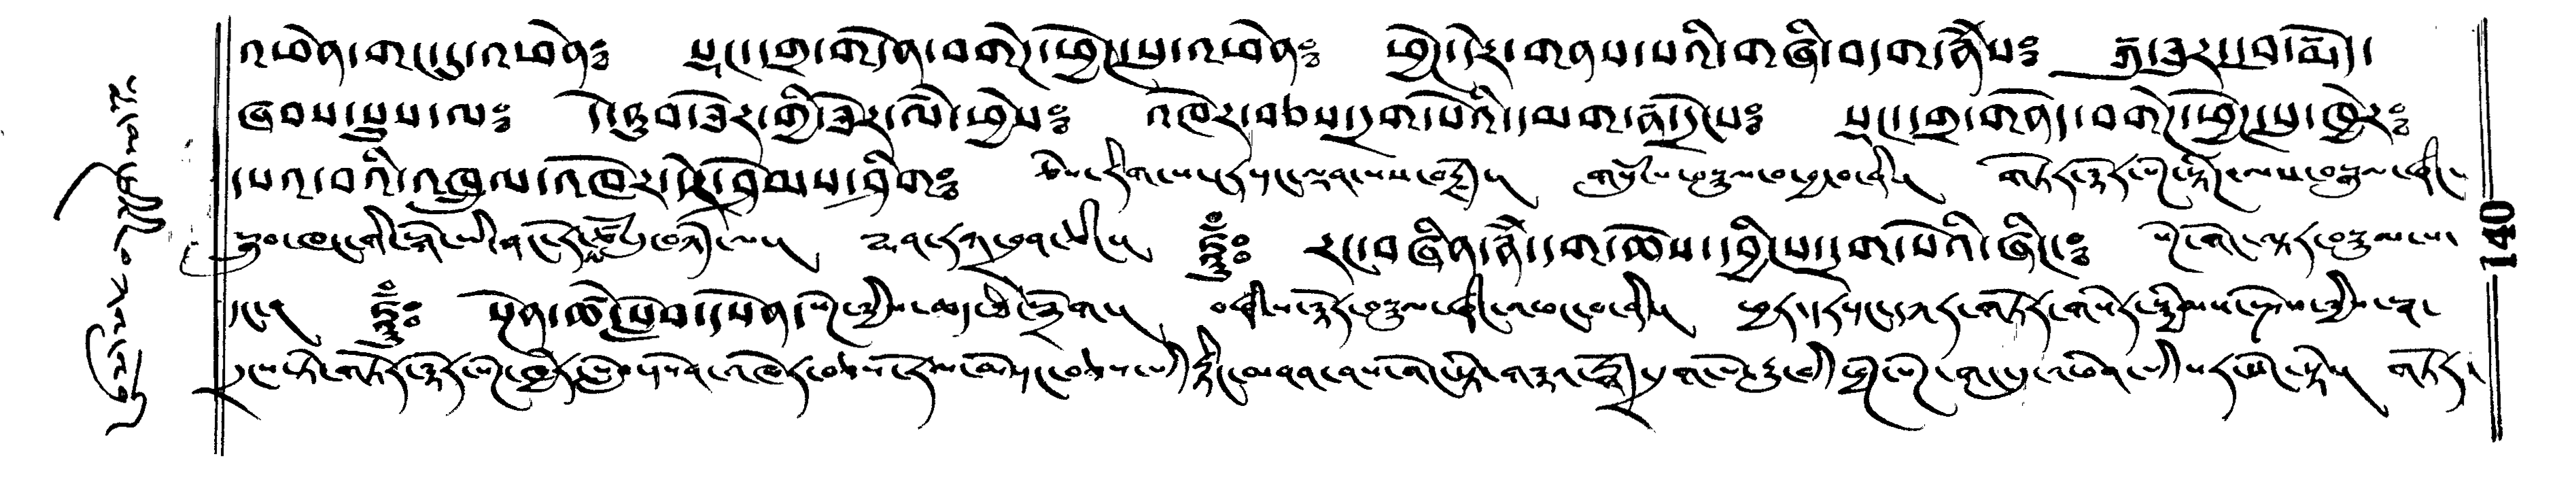འཕེན་གང་དུ་འཕེན༔ སྡང་དགྲ་གདོན་བགེགས་ཕྱོགས་སུ་འཕེན༔ ཕྱོགས་དེར་གནས་པའི་གཞི་བདག་རྣམས༔ སྐུ་ཟུར་དབུ་སྨད་
ཞབས་སྡུས་ལ༔ དོ་ནུབ་ཟོར་གྱི་ཟོར་ལམ་ཕྱེས༔ འཁོར་བཅས་དྲག་པོའི་དམག་སྣ་དྲོངས༔ སྡང་དགྲ་གནོད་བགེགས་ཕྱོགས་སུ་ཁྱེར༔ 
དཔའ་བའི་འཁྲུལ་འཁོར་དེར་ཤོམས་ཤིག༔ ཅེས་རིག་པ་ངར་དང་ལྡན་པས་བརྗོད། གསུམ་པ་བསྐུལ་བ་བྱ་བ་ནི། གཏོར་ཟོར་སོགས་སྟེགས་ལས་བསྒུལ་ཞིང་
སྒྲུབ་ཁང་གི་སྒོ་ཡི་ནང་རོལ་ཙམ་དུ་བཀོད་ལ། སྨན་རཀ་བྲན་ཅིང་། ཧཱུྃ༔ རང་བཞིན་རྣམ་དག་ཆོས་དབྱིངས་དྲག་པོའི་ཞིང༔ སོགས་གོང་ལྟར་བསྐུལ་པ་
དང་། ཧཱུྃ༔ སྔོན་ཚེ་སློབ་དཔོན་སོགས་ཀྱིས་ཆད་ཐོ་སྒྲོག བཞི་པ་ཟོར་བསྐུལ་ཞིང་འཕང་བ་ནི། ཕྱར་དར་དང་དཀར་གཏོར་གསེར་སྐྱེམས་སྤོས་ཀྱིས་སྣ་
དྲངས་ཏེ་གཏོར་ཟོར་སོགས་ཁྱེར། སློབ་དཔོན་འཁོར་བཅས་རོལ་མོ་དང་བཅས་པའི་རྟིང་མནན་ནས་སོང་སྟེ་གཟའ་རྒོད་དྲག་པོ་རྒྱུ་བའི་ཕྱོགས་སོགས་གང་དུ་འཕེན་པའི་སར་སོང་སྟེ།གཏོར་